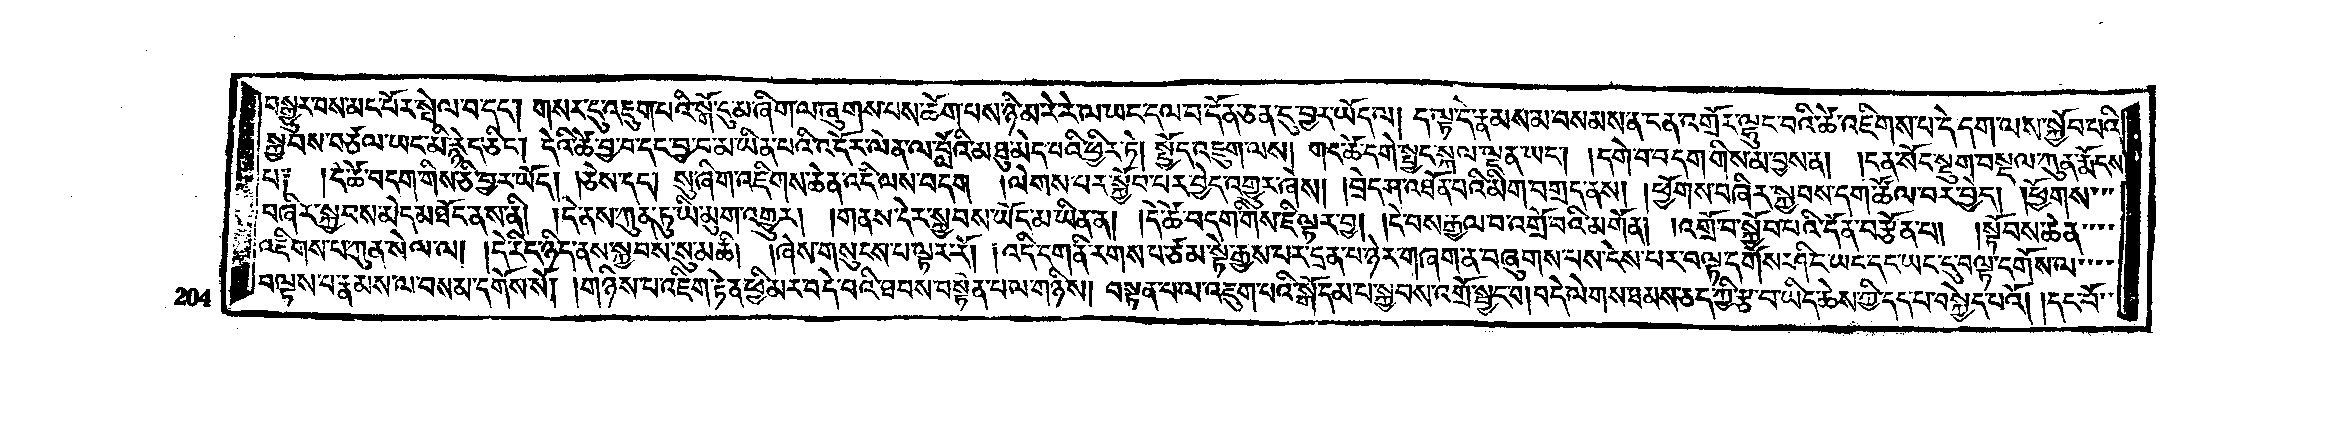བསྒྱུར་བས་མང་པོར་སྤེལ་བ་དང་། གསར་དུ་འཇུག་པའི་སྒོ་དུ་མ་ཞིག་ལ་ཞུགས་པས་ཆོག་པས་ཉི་མ་རེ་རེ་ལ་ཡང་དལ་བ་དོན་ཅན་དུ་བྱར་ཡོད་ལ། ད་ལྟ་དེ་རྣམས་མ་བསམས་ན་ངན་འགྲོར་ལྷུང་བའི་ཚེ་འཇིགས་པ་དེ་དག་ལས་སྐྱོབ་པའི་
སྐྱབས་བཙལ་ཡང་མི་རྙེད་ཅིང་། དེའི་ཚེ་བྱ་བ་དང་བྱ་བ་མ་ཡིན་པའི་འདོར་ལེན་ལ་བློའི་མཐུ་མེད་པའི་ཕྱིར་ཏེ། སྤྱོད་འཇུག་ལས། གང་ཚེ་དགེ་སྤྱད་སྐལ་ལྡན་ཡང་། །དགེ་བ་བདག་གིས་མ་བྱས་ན། །ངན་སོང་སྡུག་བསྔལ་ཀུན་རྨོངས་
པ༑ ༑དེ་ཚེ་བདག་གིས་ཅི་བྱར་ཡོད། །ཅེས་དང་། སུ་ཞིག་འཇིགས་ཆེན་འདི་ལས་བདག །ལེགས་པར་སྐྱོབ་པར་བྱེད་འགྱུར་ཞེས། །བྲེད་ཤ་འཐོན་པའི་མིག་བགྲད་ནས། །ཕྱོགས་བཞིར་སྐྱབས་དག་ཚོལ་བར་བྱེད། །ཕྱོགས་
བཞིར་སྐྱབས་མེད་མཐོང་ནས་ནི། །དེ་ནས་ཀུན་ཏུ་ཡི་མུག་འགྱུར། །གནས་དེར་སྐྱབས་ཡོད་མ་ཡིན་ན། །དེ་ཚེ་བདག་གིས་ཇི་ལྟར་བྱ། །དེ་བས་རྒྱལ་བ་འགྲོ་བའི་མགོན། །འགྲོ་བ་སྐྱོབ་པའི་དོན་བརྩོན་པ། །སྟོབས་ཆེན་
འཇིགས་པ་ཀུན་སེལ་ལ། །དེ་རིང་ཉིད་ནས་སྐྱབས་སུ་མཆི། །ཞེས་གསུངས་པ་ལྟར་རོ། །འདི་དག་ནི་རགས་པ་ཙམ་སྟེ་རྒྱས་པར་དྲན་པ་ཉེར་གཞག་ན་བཞུགས་པས་ངེས་པར་བལྟ་དགོས་ཤིང་ཡང་དང་ཡང་དུ་བལྟ་དགོས་ལ་
བལྟས་པ་རྣམས་ལ་བསམ་དགོས་སོ། །གཉིས་པ་འཇིག་རྟེན་ཕྱི་མར་བདེ་བའི་ཐབས་བསྟེན་པ་ལ་གཉིས། བསྟན་པ་ལ་འཇུག་པའི་སྒོ་དམ་པ་སྐྱབས་འགྲོ་སྦྱང་བ། བདེ་ལེགས་ཐམས་ཅད་ཀྱི་རྩ་བ་ཡིད་ཆེས་ཀྱི་དད་པ་བསྐྱེད་པའོ། །དང་པོ་